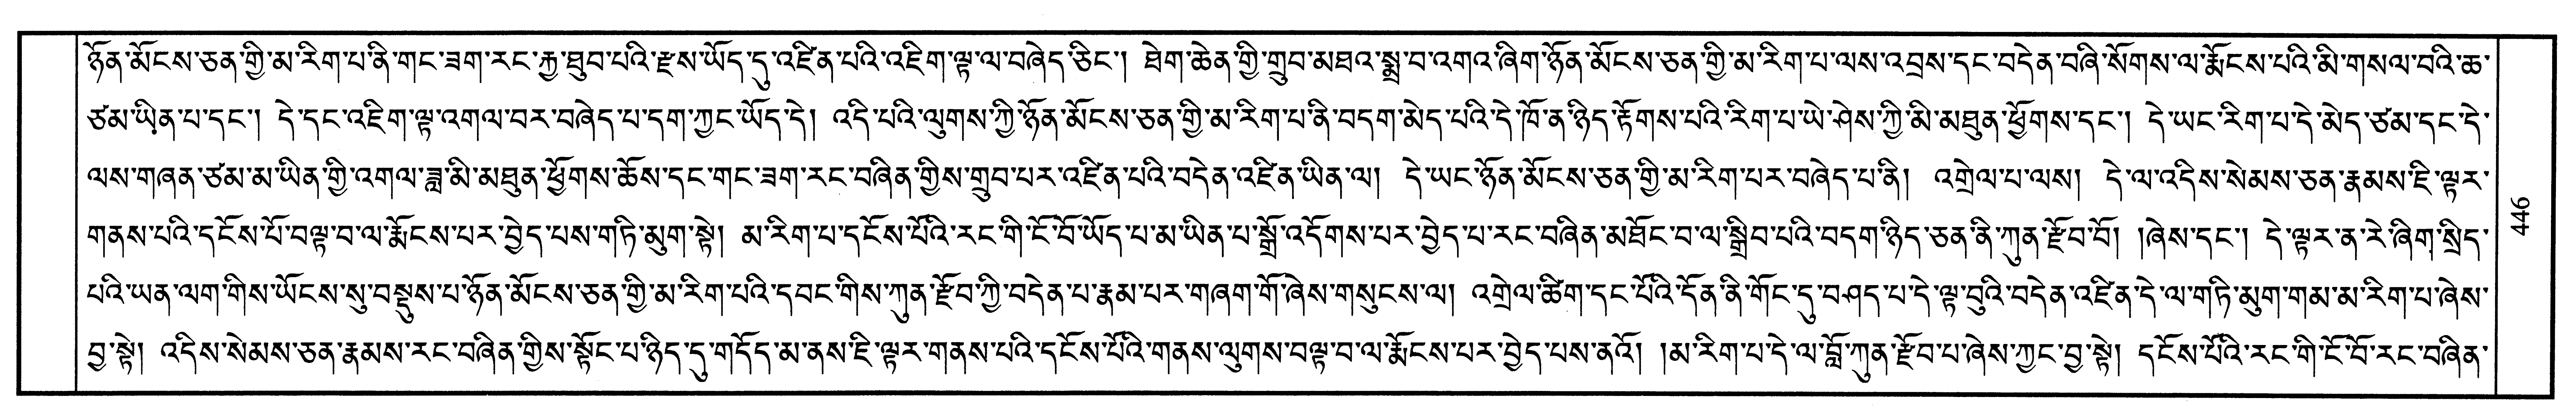ཉོན་མོངས་ཅན་གྱི་མ་རིག་པ་ནི་གང་ཟག་རང་རྐྱ་ཐུབ་པའི་རྫས་ཡོད་དུ་འཛིན་པའི་འཇིག་ལྟ་ལ་བཞེད་ཅིང་། ཐེག་ཆེན་གྱི་གྲུབ་མཐའ་སྨྲ་བ་འགའ་ཞིག་ཉོན་མོངས་ཅན་གྱི་མ་རིག་པ་ལས་འབྲས་དང་བདེན་བཞི་སོགས་ལ་རྨོངས་པའི་མི་གསལ་བའི་ཆ་
ཙམ་ཡིན་པ་དང་། དེ་དང་འཇིག་ལྟ་འགལ་བར་བཞེད་པ་དག་ཀྱང་ཡོད་དེ། འདི་པའི་ལུགས་ཀྱི་ཉོན་མོངས་ཅན་གྱི་མ་རིག་པ་ནི་བདག་མེད་པའི་དེ་ཁོ་ན་ཉིད་རྟོགས་པའི་རིག་པ་ཡེ་ཤེས་ཀྱི་མི་མཐུན་ཕྱོགས་དང་། དེ་ཡང་རིག་པ་དེ་མེད་ཙམ་དང་དེ་
ལས་གཞན་ཙམ་མ་ཡིན་གྱི་འགལ་ཟླ་མི་མཐུན་ཕྱོགས་ཆོས་དང་གང་ཟག་རང་བཞིན་གྱིས་གྲུབ་པར་འཛིན་པའི་བདེན་འཛིན་ཡིན་ལ། དེ་ཡང་ཉོན་མོངས་ཅན་གྱི་མ་རིག་པར་བཞེད་པ་ནི། འགྲེལ་པ་ལས། དེ་ལ་འདིས་སེམས་ཅན་རྣམས་ཇི་ལྟར་
གནས་པའི་དངོས་པོ་བལྟ་བ་ལ་རྨོངས་པར་བྱེད་པས་གཏི་མུག་སྟེ། མ་རིག་པ་དངོས་པོའི་རང་གི་ངོ་བོ་ཡོད་པ་མ་ཡིན་པ་སྒྲོ་འདོགས་པར་བྱེད་པ་རང་བཞིན་མཐོང་བ་ལ་སྒྲིབ་པའི་བདག་ཉིད་ཅན་ནི་ཀུན་རྫོབ་བོ། །ཞེས་དང་། དེ་ལྟར་ན་རེ་ཞིག་སྲིད་
པའི་ཡན་ལག་གིས་ཡོངས་སུ་བསྡུས་པ་ཉོན་མོངས་ཅན་གྱི་མ་རིག་པའི་དབང་གིས་ཀུན་རྫོབ་ཀྱི་བདེན་པ་རྣམ་པར་གཞག་གོ་ཞེས་གསུངས་ལ། འགྲེལ་ཚིག་དང་པོའི་དོན་ནི་གོང་དུ་བཤད་པ་དེ་ལྟ་བུའི་བདེན་འཛིན་དེ་ལ་གཏི་མུག་གམ་མ་རིག་པ་ཞེས་
བྱ་སྟེ། འདིས་སེམས་ཅན་རྣམས་རང་བཞིན་གྱིས་སྟོང་པ་ཉིད་དུ་གདོད་མ་ནས་ཇི་ལྟར་གནས་པའི་དངོས་པོའི་གནས་ལུགས་བལྟ་བ་ལ་རྨོངས་པར་བྱེད་པས་ནའོ། །མ་རིག་པ་དེ་ལ་བློ་ཀུན་རྫོབ་པ་ཞེས་ཀྱང་བྱ་སྟེ། དངོས་པོའི་རང་གི་ངོ་བོ་རང་བཞིན་